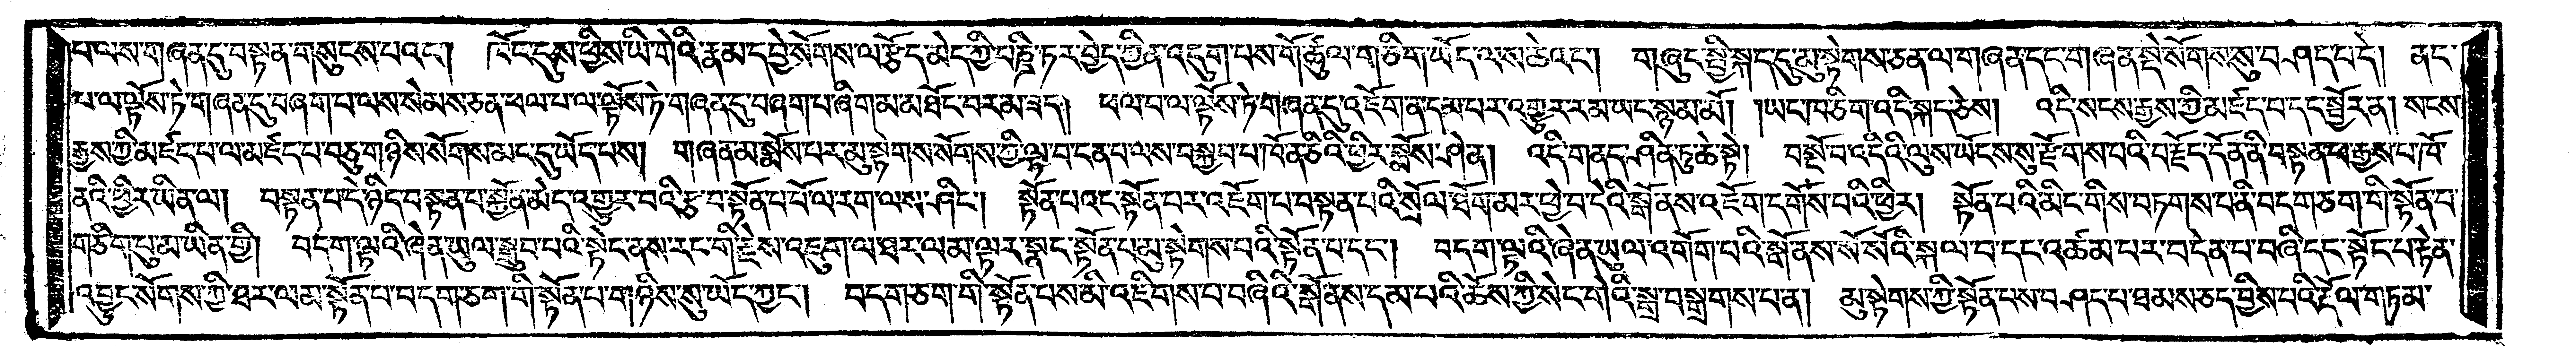པ་ལས་གཞན་དུ་བསྟན་གསུངས་པའང་། ཁོང་དུས་ཕྱིས་ཡི་གེའི་རྣམ་དབྱེ་སོགས་ལ་རྩོད་མེད་ཀྱི་པཎྜི་ཏར་བྱེད་ཀྱི་ན་འདུག་བས་གོ་ཚུལ་གཅིག་ཡོད་ལས་ཆེའང་། གཞུང་སྦྱི་སྐད་དུ་མུ་སྟེགས་ཅན་ལ་གཞན་དང་གཞན་སྡེ་སོགས་སུ་བཤད་པ་དེ། ནང་
པ་ལ་ལྟོས་ཏེ་གཞན་དུ་བཞག་པ་ལས་སེམས་ཅན་ཕལ་པ་ལ་ལྟོས་ཏེ་གཞན་དུ་བཞག་པ་ཞིག་མ་མཐོང་བར་མཛད། ཕལ་བ་ལ་ལྟོས་ཏེ་གཞན་དུ་འཇོག་ན་དམ་པར་འགྱུར་རམ་ཡང་སྙམ་མོ། །ཡང་ཁ་ཅིག་འདི་སྐད་ཅེས། འདི་སངས་རྒྱས་ཀྱི་མཛད་པ་དང་སྦྱོར་ན། སངས་
རྒྱས་ཀྱི་མཛད་པ་ལ་མཛད་པ་བཅུ་གཉིས་སོགས་མང་དུ་ཡོད་པས། གཞན་མ་སྨོས་པར་མུ་སྟེགས་སོགས་ཀྱི་ལྟ་བ་ངན་པ་ལས་བསྐྱབ་པ་ཁོ་ན་ཅིའི་ཕྱིར་སྨོས་ཤེ་ན། འདི་གནད་ཤིན་ཏུ་ཆེ་སྟེ། བསྔོ་བ་འདིའི་ལུས་ཡོངས་སུ་རྫོགས་བའི་བརྗོད་དོན་ནི་བསྟན་པ་རྒྱས་པ་ཁོ་
ནའི་ཕྱིར་ཡིན་ལ། བསྟན་པ་དེ་ཉིད་བསྟན་པ་སྐྱོན་མེད་འགྱུར་བའི་རྩ་བ་སྟོན་པ་པོ་ལ་རག་ལས་ཤིང་། སྟོན་པའང་སྟོན་པར་འཇོག་པ་བསྟན་པའི་སྲོལ་ཐོག་མར་ཕྱེ་བ་དེའི་སྒོ་ནས་འཇོག་དགོས་པའི་ཕྱིར། སྟོན་པའི་མིང་གིས་བཏགས་པ་ནི་བདག་ཅག་གི་སྟོན་པ་
གཅིག་བུ་མ་ཡིན་གྱི། བདག་ལྟའི་ཞེན་ཡུལ་སྒྲུབ་པའི་སྟེང་ནས་རང་གི་རྗེས་འཇུག་ལ་ཐར་ལམ་ལྟར་སྣང་སྟོན་པ་མུ་སྟེགས་པའི་སྟོན་པ་དང་། བདག་ལྟའི་ཞེན་ཡུལ་འགོག་པའི་སྒོ་ནས་སོ་སོའི་སྐལ་བ་དང་འཚམ་པར་བདེན་པ་བཞི་དང་སྟོང་པ་རྟེན་
འབྱུང་སོགས་ཀྱི་ཐར་ལམ་སྟོན་པ་བདག་ཅག་གི་སྟོན་པ་གཉིས་སུ་ཡོད་ཀྱང་། བདག་ཅག་གི་སྟོན་བས་མི་འཇིགས་པ་བཞིའི་སྒོ་ནས་དམ་པའི་ཆོས་ཀྱི་སེང་གེའི་སྒྲ་བསྒྲགས་པ་ན། མུ་སྟེགས་ཀྱི་སྟོན་པས་བཤད་པ་ཐམས་ཅད་བྱིས་པའི་རྡོལ་གཏམ་